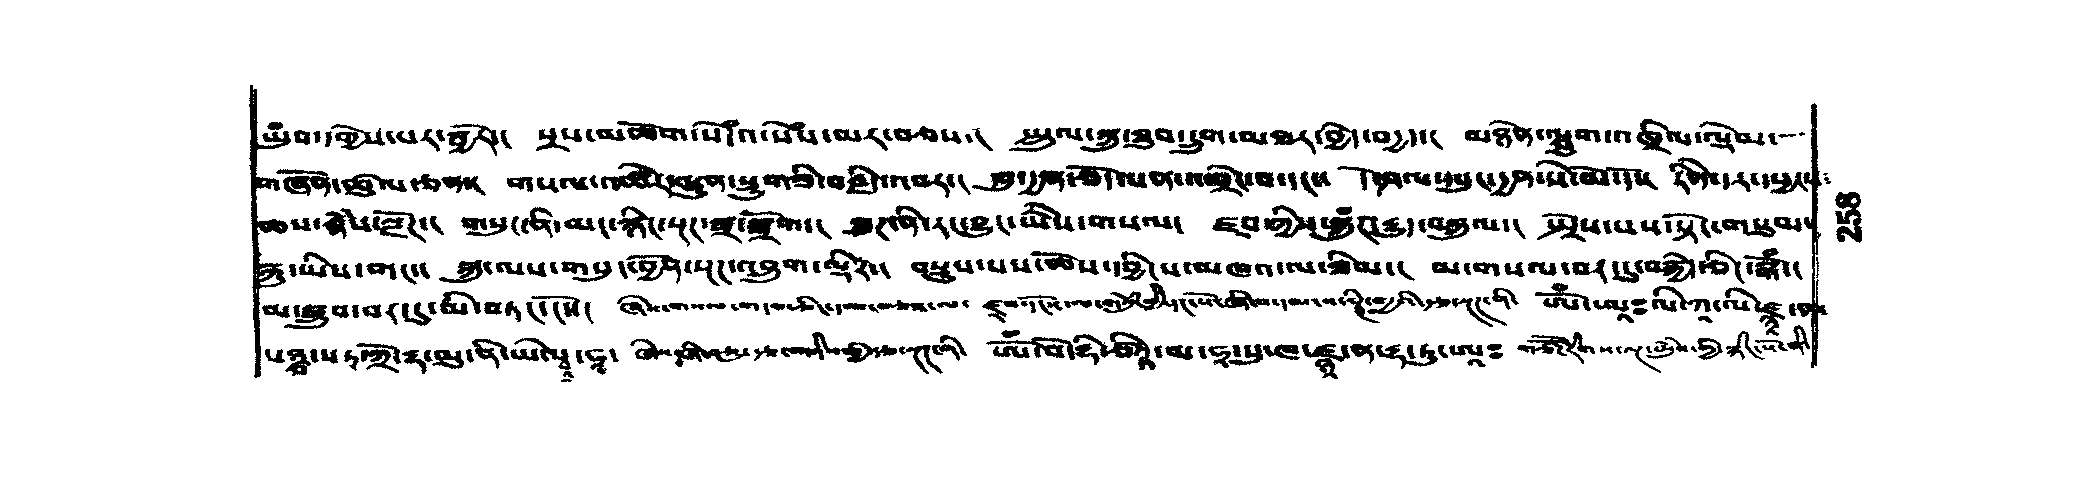ཡབ་ཡུམ་དགྱེས་པར་སྦྱོར། །སྲས་མཆོག་སེམས་དཔལ་སེམས་མར་བཅས། །སྤྲུལ་སྐུ་ཐུབ་དྲུག་མཐར་བྱེད་བརྒྱད། །མཉེན་ལྕུག་འཁྲིལ་ལྡེམ་
གཞོན་ཚུལ་ཅན། །གསལ་འཚེར་ལྷུན་སྡུག་གཟི་བརྗིད་འབར། །དབུ་རྒྱན་ཅོད་པན་ཕྲེང་བ་དང་། །དོ་ཤལ་དཔུང་རྒྱན་སེ་མོ་དོ། །རིན་ཆེན་དར་དཔྱང་
ཆས་རྣམས་རྫོགས། །གསུང་ནི་མང་སྙིང་སྔགས་སྒྲ་སྒྲོག་།ཐུགས་ནི་རང་བྱུང་ཡེ་ཤེས་གསལ། །འཛབ་ཀྱིས་སྐུ་གསུང་ཐུགས་རྒྱུད་བསྐུལ། །སྤྲོས་པས་སྟོང་གསུམ་
སྐུ་ཡི་གང་། །སྐུ་ལས་གསུང་བྱོན་སྔགས་འབྲུག་ལྡིར། །བསྡུས་པས་ཆོས་དབྱིངས་མཁའ་ལ་ཐིམ། །མ་གསལ་བར་དུ་བསྐྱེད་ཅིང་སྒོམ། །
མ་སྒྲུབ་བར་དུ་མི་བཏང་ངོ་། ། ཞེས་གསལ་གདབ་ཅིང་དམ་བཅས་ལ། འཛབ་དངོས་ལགསུམ་གྱི་དང་པོ་ཞི་བ་དམ་པ་རིགས་བརྒྱའི་རྩ་སྔགས་ནི། ཨོཾ་ཨཱཿལི་ཀཱ་ལི་ཛྙཱ་ན་
པཉྩ་སཏྭ་ཀྲོ་དྷ་མུ་ནི་ཡེ་སྭཱ་ཧཱ། ཞེས་བཞི་བཅུ་རྩ་གཉིས་ཀྱི་རྩ་སྔགས་ནི། ཨོཾ་བོ་དྷི་ཙིཏྟ་མ་ཧཱ་སུ་ཁ་ཛྙཱ་ན་དྷ་ཏུ་ཨཱཿ གཙོ་བོ་རིགས་ལྔ་ཡབ་ཡུམ་གྱི་སྙིང་པོ་ནི།